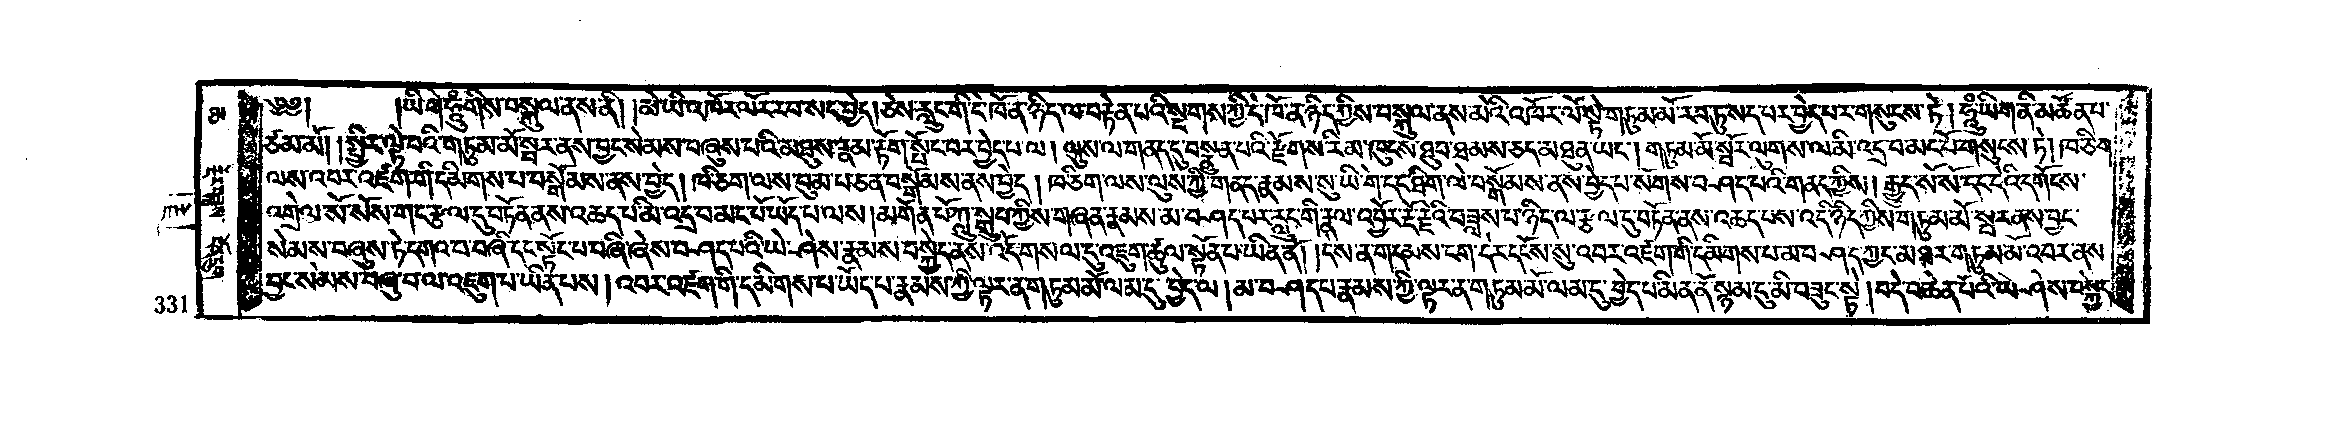༄༅། །ཡི་གེ་ཧཱུཾ་གིས་བསྐུལ་ནས་ནི། །མེ་ཡི་འཁོར་ལོར་རབ་སད་བྱེད། ཅེས་རླུང་གི་དེ་ཁོ་ན་ཉིད་ལ་བརྟེན་པའི་སྔགས་ཀྱི་དེ་ཁོ་ན་ཉིད་ཀྱིས་བསྐུལ་ནས་མེའི་འཁོར་ལོ་སྟེ་གཏུམ་མོ་རབ་ཏུ་སད་པར་བྱེད་པར་གསུངས་ཏེ། ཧཱུཾ་ཡིག་ནི་མཚོན་པ་
ཙམ་མོ། །སྤྱིར་ལྟེ་བའི་གཏུམ་མོ་སྦར་ནས་བྱང་སེམས་བཞུས་པའི་མཐུས་རྣམ་རྟོག་སྤོང་བར་བྱེད་པ་ལ། ལུས་ལ་གནད་དུ་བསྣུན་པའི་རྫོགས་རིམ་ཁུངས་ཐུབ་ཐམས་ཅད་མཐུན་ཡང་། གཏུམ་མོ་སྦོར་ལུགས་ལ་མི་འདྲ་བ་མང་པོ་གསུངས་ཏེ། ཁ་ཅིག་
ལས་འབར་འཛག་གི་དམིགས་པ་བསྒོམས་ནས་བྱེད། ཁ་ཅིག་ལས་བུམ་པ་ཅན་བསྒོམས་ནས་བྱེད། ཁ་ཅིག་ལས་ལུས་ཀྱི་གནད་རྣམས་སུ་ཡི་གེ་དང་ཐིག་ལེ་བསྒོམས་ནས་བྱེད་པ་སོགས་བཤད་པའི་གནད་ཀྱིས། རྒྱུད་སོ་སོ་དང་དེའི་དགོངས་
འགྲེལ་སོ་སོས་གང་རྩལ་དུ་བཏོན་ནས་འཆད་པ་མི་འདྲ་བ་མང་པོ་ཡོད་པ་ལས། མགོན་པོ་ཀླུ་སྒྲུབ་ཀྱིས་གཞན་རྣམས་མ་བཤད་པར་རླུང་གི་རྣལ་འབྱོར་རྡོ་རྗེའི་བཟླས་པ་ཉིད་ལ་རྩལ་དུ་བཏོན་ནས་འཆད་པས་འདི་ཉིད་ཀྱིས་གཏུམ་མོ་སྦར་ནས་བྱང་
སེམས་བཞུས་ཏེ་དགའ་བ་བཞི་དང་སྟོང་པ་བཞི་ཞེས་བཤད་པའི་ཡེ་ཤེས་རྣམས་བསྐྱེད་ནས་འོད་གསལ་དུ་འཇུག་ཚུལ་སྟོན་པ་ཡིན་ནོ། །དེས་ན་གདམས་ངག་དེར་དངོས་སུ་འབར་འཛག་གི་དམིགས་པ་མ་བཤད་ཀྱང་མཐར་གཏུམ་མོ་འབར་ནས་
བྱང་སེམས་བཞུ་བ་ལ་འཇུག་པ་ཡིན་པས། འབར་འཛག་གི་དམིགས་པ་ཡོད་པ་རྣམས་ཀྱི་ལྟར་ན་གཏུམ་མོ་ལམ་དུ་བྱེད་ལ། མ་བཤད་པ་རྣམས་ཀྱི་ལྟར་ན་གཏུམ་མོ་ལམ་དུ་བྱེད་པ་མིན་ནོ་སྙམ་དུ་མི་བཟུང་སྟེ། བདེ་བ་ཆེན་པོའི་ཡེ་ཤེས་བསྐྱེད་